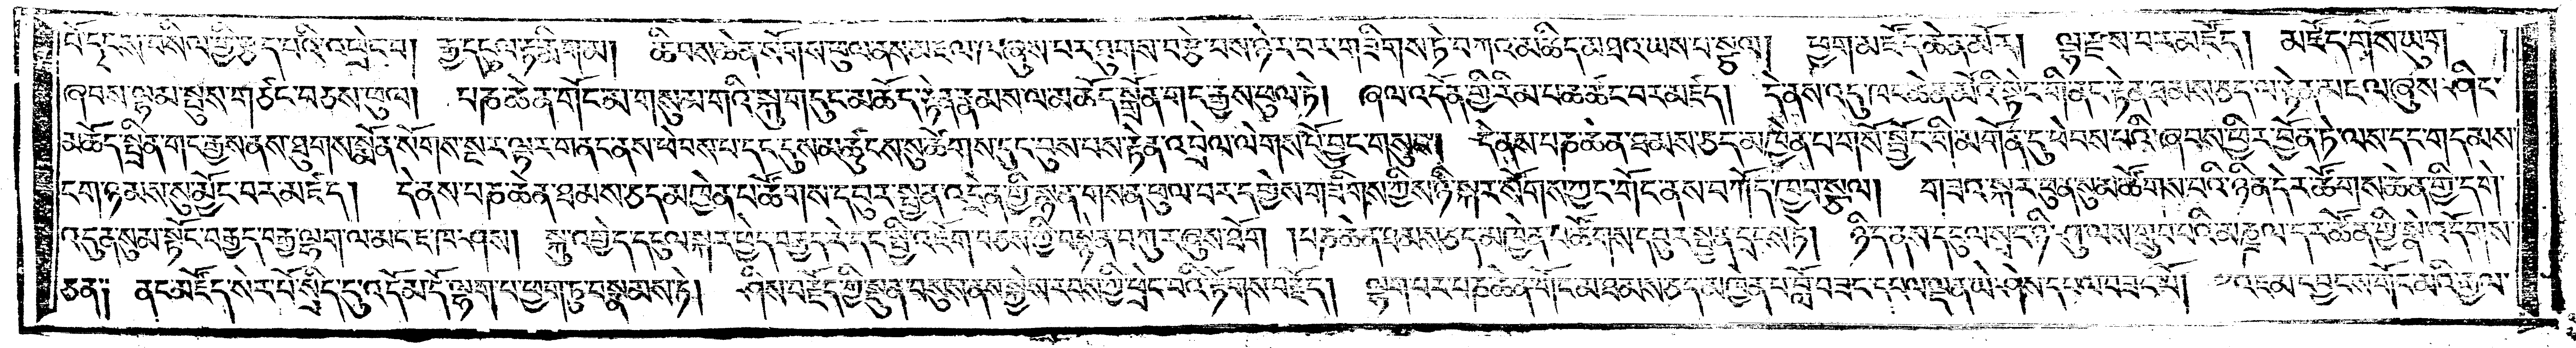བོ་དྭངས་བསིལ་གྱི་རྩད་པའི་འཕྲེང་བ། རྒྱ་དངུལ་རྟ་རྨིག་མ། ཆི་བས་ཆེན་སོགས་ཕུལ་ནས་མཇལ་ཁ་ཞུས་པར་ཐུགས་བརྩེ་བས་ཉེར་བར་གཟིགས་ཏེ་བཀའ་མཆིད་མཐའ་ཡས་པ་སྩལ། ཕྱག་མཛོད་ཆེན་མོར། ལྷ་རྫས་བར་མཛོད། མཛོད་གོས་ཡུག །
ཞབས་ལྷམ་སྤུས་གཙང་བཅས་ཕུལ། པཎ་ཆེན་གོང་མ་གསུམ་གའི་སྐུ་གདུང་མཆོད་རྟེན་རྣམས་ལ་མཆོད་སྒྲོན་གང་རྒྱས་ཕུལ་ཏེ། ཞལ་འདོན་གྱི་རིམ་པ་ཆ་ཚང་བར་མཛད། དེ་ནས་འདུ་ཁང་ཆེན་མོའི་སྟེང་གི་ནང་རྟེན་ཐམས་ཅད་ལ་རྟེན་མཇལ་ཞུས་ཤིང་
མཆོད་སྤྲིན་གང་རྒྱས་ནས་ཐུགས་སྨོན་སོགས་སྔར་ལྟར་གནང་ནས་ཕེབས་པ་དང་དུས་མཚུངས་སུ་ཚོགས་དུང་བུས་བས་རྟེན་འབྲེལ་ལེགས་པོ་བྱུང་གསུང་། དེ་ནས་པཎ་ཆེན་ཐམས་ཅད་མཁྱེན་པ་གསོ་སྦྱོང་གི་མགོན་དུ་ཕེབས་པའི་ཞབས་ཕྱིར་བྱོན་ཏེ་ལས་དང་གདམས་
ངག་ཉམས་སུ་མྱོང་བར་མཛད། དེ་ནས་པཎ་ཆེན་ཐམས་ཅད་མཁྱེན་པ་ཚོགས་དབུར་སྤྱན་འདྲེན་གྱི་སྙན་གསན་ཕུལ་བར་དགྱེས་གཟིགས་ཀྱིས་ཉི་སྐར་སོགས་ཀྱང་གོང་ནས་བཀོད་ཁྱབ་སྩལ། གཟའ་སྐར་ཕུན་སུམ་ཚོགས་པའི་ཉིན་དེར་ཚོགས་ཆེན་གྱི་དགེ་
འདུན་སུམ་སྟོང་བརྒྱད་བརྒྱ་ལྷག་ལ་མང་ཇ་ཁ་ཤས། སྐུ་འགྱེད་དངུལ་སྐར་ཕྱེད་བརྒྱད་རེ་དང་སྤྱི་འཇོག་བཅས་ཀྱི་བསྙེན་བཀུར་ཞུས་ཐོག །བཎ་ཆེན་ཐམས་ཅད་མཁྱེན་པ་ཚོགས་དབུར་སྤྱན་དྲངས་ཏེ། ཉིད་ནས་དངུལ་སྲང་ཉི་ཤུ་ལས་གྲུབ་པའི་མཎྜལ་དར་ཚོན་གྱི་སྣེ་འདོགས་
ཅན༑ ནང་མཛོད་སེར་བོ་སྲིད་དུ་འདོ་མ་དོ་ལྷག་པ་ཕྱག་ཏུ་བསྣམས་ཏེ། ཤིས་བརྗོད་ཀྱི་སྡུན་བསུས་ནས་སྐྱེས་རབས་ཀྱི་པྲེང་བའི་རྟོགས་བརྗོད། ལྷག་པར་པཎ་ཆེན་གོང་མ་ཐམས་ཅད་མཁྱེན་བ་བློ་བཟང་དཔལ་ལྡན་ཡེ་ཤེས་དཔལ་བཟང་པོ། འཇམ་དབྱངས་གོང་མའི་རྒྱལ་